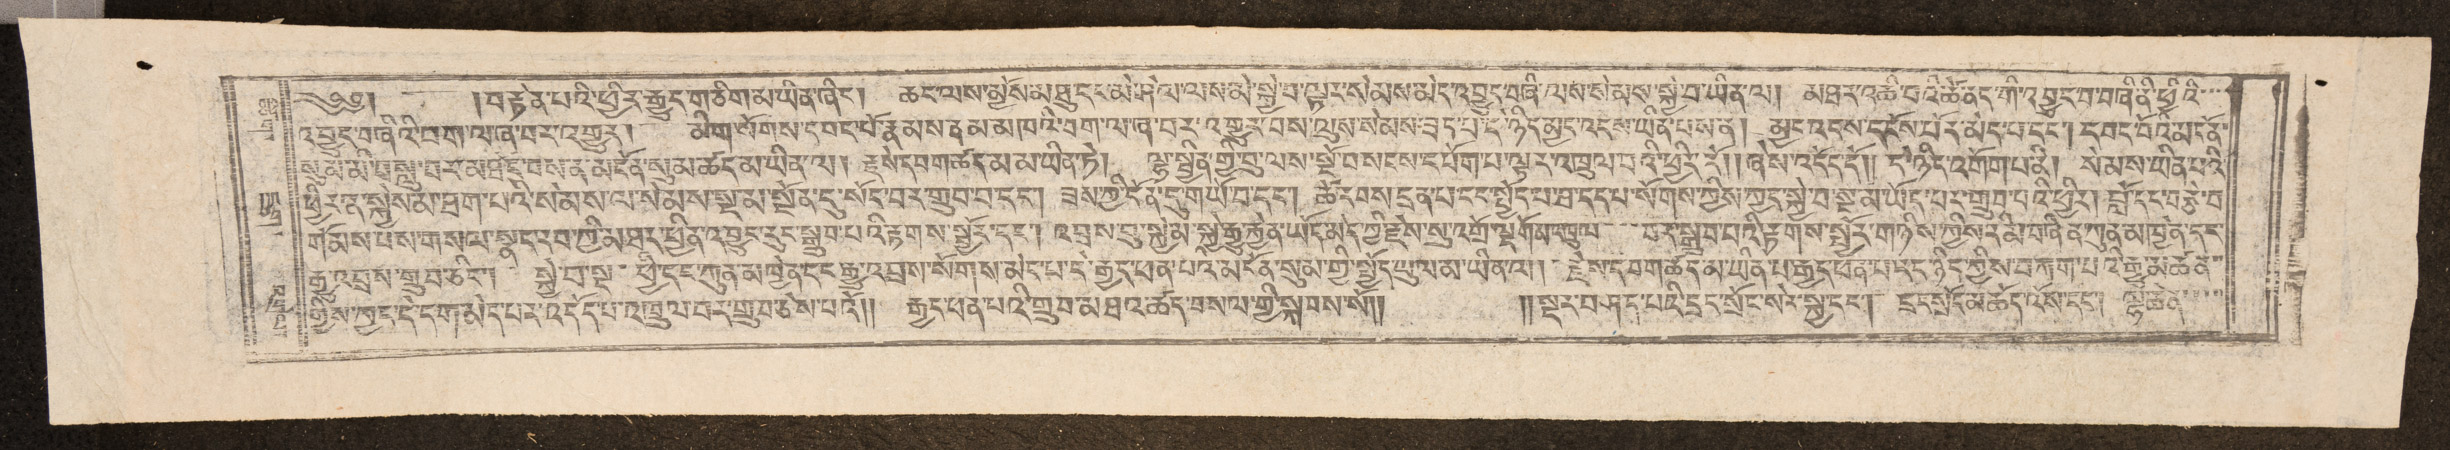༄༅། །བརྟེན་པའི་ཕྱིར་རྒྱུད་གཅིག་མ་ཡིན་ཞིང་། ཆང་ལས་མྱོས་མཐུ་དང་མེ་ཤེལ་ལས་མེ་སྐྱེ་བ་ལྟར་སེམས་མེད་འབྱུང་བཞི་ལས་སེམས་སྐྱེ་བ་ཡིན་ལ། མཐར་འཆི་བའི་ཚེ་ནད་གི་འབྱུང་བ་བཞི་ནི་ཕྱིའི་
འབྱུང་བཞིའི་བག་ལ་ཞ་བར་འགྱུར། མིག་སོགས་དབང་པོ་རྣམས་ནམ་མཁའི་བག་ལ་ཞ་བར་འགྱུར་བས་ལུས་སེམས་ཟད་པ་དེ་ཉིད་མྱང་འདས་ཡིན་པས་ན། མྱང་འདས་དངོས་པོར་མེད་པ་དང་། དབང་བོའི་མངོན་
སུམ་མི་བསླུ་བར་མཐོད་བས་ན་མདོན་སུམ་ཚད་མ་ཡིན་ལ། རྗེས་དབང་ཚད་མ་མ་ཡིན་ཏེ། ལྷ་སྦྱིན་གྱི་བུ་ལས་སྔོ་བསངས་དཔོག་པ་ལྟར་འཁྲུལ་བའི་ཕྱིར་རོ། །ཞེས་འདོད་དོ། །དེ་ཉིད་འགོག་པ་ནི། སེམས་ཡིན་པའི་
ཕྱིར་ན་སྐྱེས་མ་ཐག་པའི་སེམས་ལ་སེམས་སྔ་མ་སྔོན་དུ་སོང་བར་གྲུབ་བ་དང་། ཟས་ཀྱི་དོན་དུ་གཡོ་བ་དང་། ཚེ་རབས་དྲན་པ་དང་སྤྱོད་པ་ཐ་དད་པ་སོགས་ཀྱིས་ཀྱང་སྐྱེ་བ་སྔ་མ་ཡོད་པར་གྲུབ་པའི་ཕྱིར། བློ་དང་བརྩེ་བ་
གོམས་པས་གསལ་སྣང་རབ་ཀྱི་མཐར་ཕྱིན་འབྱུང་རུང་སྒྲུབ་པའི་རྟགས་སྦྱོར་དང་། འབྲས་བུ་སྐྱེ་མ་སྐྱེ་རྒྱུ་རྐྱེན་ཡོད་མེད་ཀྱི་རྗེས་སུ་འགྲོ་ལྡོག་མ་འཁྲུལ་བར་སྒྲུབ་པའི་རྟགས་སྤྱོར་གཉིས་ཀྱིས་རིམ་བཞིན་ཀུན་མཁྱེན་དང་
རྒྱུ་འབྲས་གྲུབ་ཅིང་། སྐྱེ་བ་སྔ་ཕྱི་དང་ཀུན་མཁྱེན་དང་རྒྱུ་འབྲས་སོགས་མེད་པ་དེ་རྒྱད་ཕན་པའི་མངོན་སུམ་གྱི་སྤྱོད་ཡུལ་མ་ཡིན་ལ། རྗེས་དཔག་ཚད་མ་ཡིན་པ་རྒྱད་ཕན་པ་རང་ཉིད་ཀྱིས་བཀག་པའི་རྒྱུ་མཚན་
གྱིས་ཀྱང་དེ་དག་མེད་པར་འདོད་པ་འཁྲུལ་བར་གྲུབ་ཅེས་པའོ།། རྒྱང་ཕན་པའི་གྲུབ་མཐའ་ཚད་བསལ་གྱི་སྐབས་སོ།། །།སྡར་བཤད་པའི་དྲང་སྲོང་སེར་སྐྱ་དང་། དྲང་སྲོད་མཆོད་འོས་དང་། ལྷ་ཆེན་